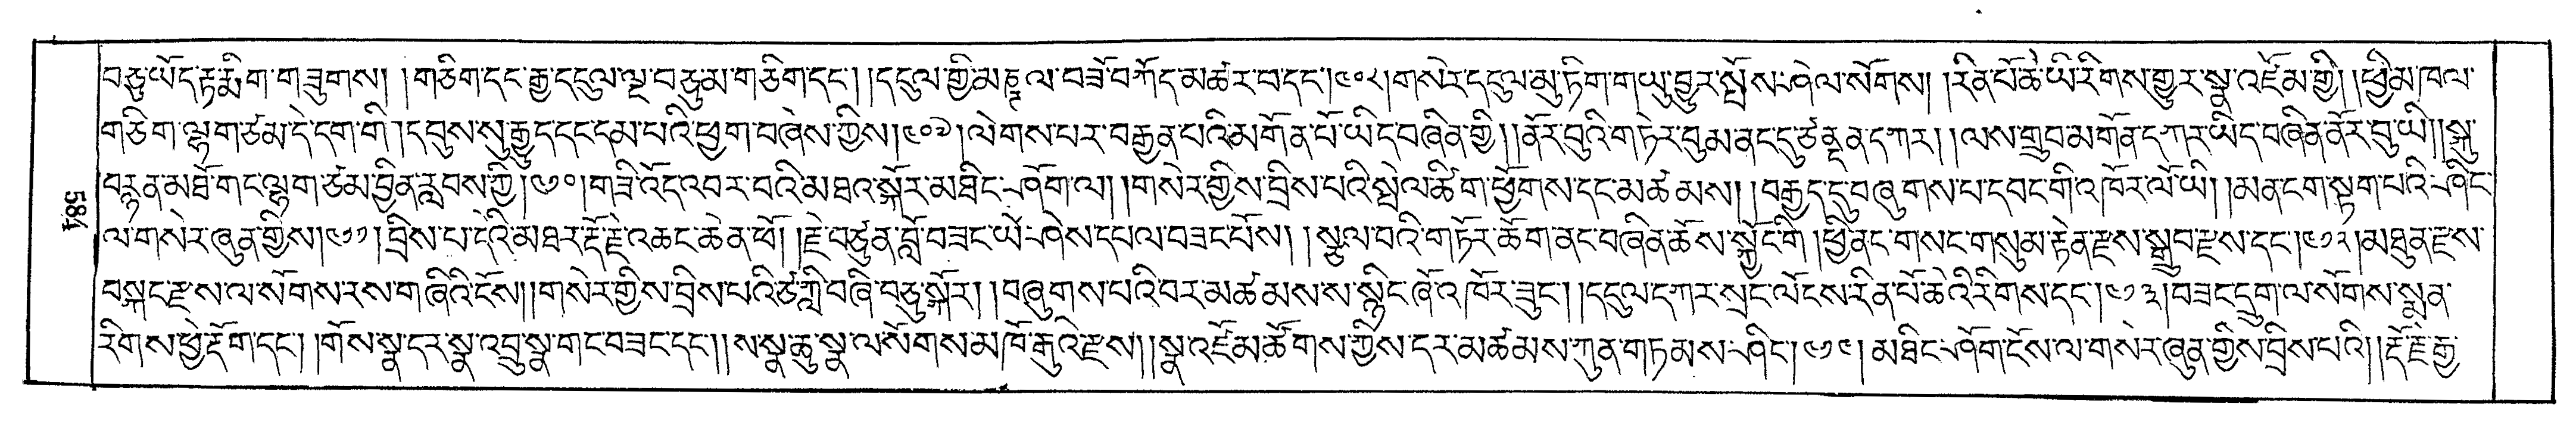བཅུ་ཡོད་རྟ་རྨིག་གཟུགས། །གཅིག་དང་རྒྱ་དངུལ་ལྔ་བཅུ་མ་གཅིག་དང་། །དངུལ་གྱི་མཎྜལ་བཟོ་བཀོད་མཚར་བ་དང་། ༤༠༨་།གསེར་དངུལ་མུ་ཏིག་གཡུ་བྱུར་སྤོས་ཤེལ་སོགས། །རིན་པོ་ཆེ་ཡི་རིགས་གྱུར་སྣ་འཛོམ་གྱི། །ཕྱེ་མཁལ་
གཅིག་ལྷག་ཙམ་དེ་དག་གི །དབུས་སུ་རྒྱུད་དང་དམ་པའི་ཕྱག་བཞེས་ཀྱིས། ༤༠༧་།ལེགས་པར་བརྒྱན་པའི་མགོན་པོ་ཡིད་བཞིན་གྱི། །ནོར་བུའི་གཏེར་བུམ་ནང་དུ་ཙནྡན་དཀར། །ལས་གྲུབ་མགོན་དཀར་ཡིད་བཞིན་ནོར་བུ་ཡི། །སྐུ་
བརྙན་མཐོ་གང་ལྷག་ཙམ་བྱིན་རླབས་ཀྱི། ༤༡༠་།གཟི་འོད་འབར་བའི་མཐའ་སྐོར་མཐིང་ཤོག་ལ། །གསེར་གྱིས་བྲིས་པའི་སྤེལ་ཚིག་ཕྱོགས་དང་མཚམས། །བརྒྱད་དུ་བཞུགས་པ་དབང་གི་འཁོར་ལོ་ཡི། །མན་ངག་སྟག་པའི་ཤིང་
ལ་གསེར་ཞུན་གྱིས། ༤༡༡་།བྲིས་པ་དེའི་མཐར་རྡོ་རྗེ་འཆང་ཆེན་པོ། །རྗེ་བཙུན་བློ་བཟང་ཡེ་ཤེས་དཔལ་བཟང་པོས། །སྩལ་བའི་གཏོར་ཆོག་ནང་བཞིན་ཆོས་སྐྱོང་གི། །ཕྱི་ནང་གསང་གསུམ་རྟེན་རྫས་སྒྲུབ་རྫས་དང་། ༤༡༢་།མཐུན་རྫས་
བསྐང་རྫས་ལ་སོགས་རས་གཞིའི་ངོས། །གསེར་གྱིས་བྲིས་པའི་ཙཀླི་བཞི་བཅུ་སྐོར། །བཞུགས་པའི་བར་མཚམས་ས་སྙིང་ཞོ་འཁོར་ཟུང་། །དངུལ་དཀར་སྲང་ལོངས་རིན་པོ་ཆེའི་རིགས་དང་། ༤༡༣་།བཟང་དྲུག་ལ་སོགས་སྨན་
རིགས་ཕྱེ་རྡོག་དང་། །གོས་སྣ་དར་སྣ་འབྲུ་སྣ་གང་བཟང་དང་། །ས་སྣ་ཆུ་སྣ་ལ་སོགས་མཁོ་ཆུའི་རྫས། །སྣ་འཛོམ་ཚོགས་ཀྱིས་བར་མཚམས་ཀུན་གཏམས་ཤིང་། ༤༡༤་།མཐིང་ཤོག་ངོས་ལ་གསེར་ཞུན་གྱིས་བྲིས་པའི། །རྡོ་རྗེ་རྒྱ་